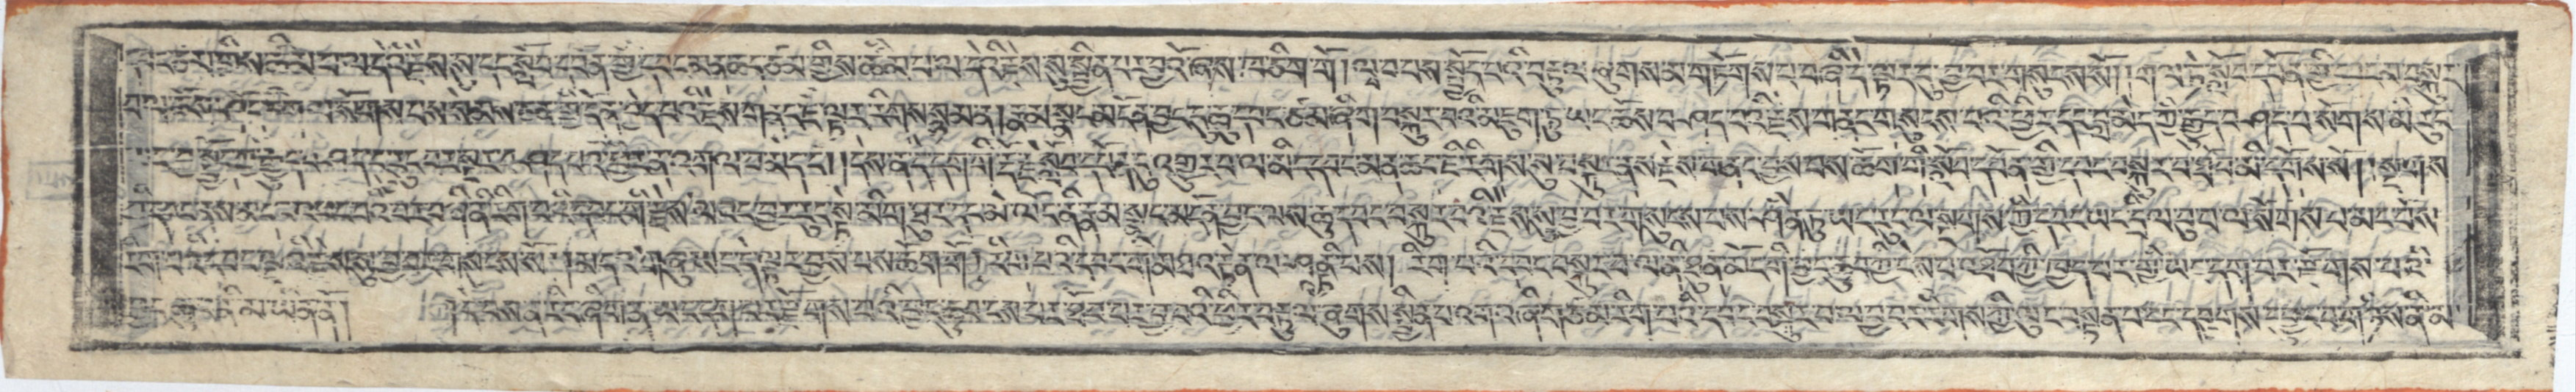དབང་ཙམ་གྱིས་ཚིམ་པ་ལ་དེའི་རྗེས་སུ་དང་སློབ་དཔོན་གྱི་དབང་མན་ཆད་ཙམ་གྱིས་ཚིམ་པ་ལ་དེའི་རྗེས་སུ་སྦྱིན་པར་བྱའོ་ཞེས་ཁ་ཅིག་གོ །ལྭ་བ་པས་སྤྱོད་པའི་བརྟུལ་ཞུགས་མ་གཏོགས་པ་བཞི་དེ་ལྟར་དུ་བྱ་བར་གསུངས་སོ། །གལ་ཏེ་སློབ་དཔོན་གྱི་དབང་མ་བསྐུར་
བ་ལ་ཆོས་ཤོད་ཏིག་ལ་སོགས་པས་སེམས་ཅན་གྱི་དོན་བྱེད་པའི་རྗེས་གནང་ཇི་ལྟར་རིགས་སྙམ་ན། རྣམ་སྣང་མངོན་བྱང་དུ་ཆུ་དབང་ཙམ་ཞིག་བསྐུར་བའི་མཇུག་ཏུ་ཡང་ཆོས་བཤད་པའི་རྗེས་གནང་གསུངས་པའི་ཕྱིར་དང་བླ་མེད་ཀྱི་རྒྱུད་བཤད་པ་སོགས་མི་རུང་
ཡང་བྱ་སྤྱོད་ཀྱི་རྒྱུད་བཤད་དུ་རུང་བར་སྔར་བཤད་པའི་ཕྱིར་ན་འགལ་བ་མེད་དོ། །དེས་ན་དེ་དག་གི་རྡོ་རྗེ་སློབ་དཔོན་དུ་འགྱུར་བ་ལ་མིང་དབང་མན་ཆད་ཇི་རིགས་སུ་བསྐུར་ནས་རྗེས་གནང་བྱས་པས་ཆོག་གི་སློབ་དཔོན་གྱི་དབང་བསྐུར་བ་ཐོབ་མི་དགོས་སོ། །སྔགས་
ཀྱི་དབང་ནས་མདའ་འཕང་པའི་བར་བཞི་ནི་རིག་པའི་དབང་གི་རྗེས་ལའང་བྱར་རུང་སྟེ་མིག་ཐུར་དང་མེ་ལོང་ནི་རྣམ་སྣང་མངོན་བྱང་ལས་ཆུ་དབང་བསྐུར་བའི་རྗེས་སུ་བྱ་བར་གསུངས་པས་ཤིན་ཏུ་ཡང་རུང་ལ་སྔགས་ཀྱི་དབང་ཡང་དྲིལ་བུ་པ་ལ་སོགས་པ་མང་པོས་
རིག་པའི་དབང་ལྔའི་རྗེས་སུ་བྱ་བར་གསུངས་སོ། །མདའ་གཞུ་ཡང་དེ་ལྟར་བྱས་པས་ཆོག་གོ །རིག་པའི་དབང་གི་མཐའ་རྟེན་ལ་ཤཱནྟི་པས། རིག་པའི་དབང་བསྐུར་བ་ལ་ནི་ཐུན་མོང་གི་བྱང་ཆུབ་ཀྱི་ངེས་པ་འཐོབ་ཀྱི་ཁྱད་པར་གྱི་ཡང་དག་པར་རྫོགས་པའི་
བྱང་ཆུབ་ནི་མ་ཡིན་ནོ། །དེ་བས་ན་རིང་ཞིག་ན་ཡང་དག་པར་རྫོགས་པའི་བྱང་ཆུབ་ངེས་པར་ཐོབ་པར་བྱ་བའི་ཕྱིར་བརྟུལ་ཞུགས་སྦྱིན་པ་འགའ་ཞིག་ཙམ་རིག་པའི་དབང་བསྐུར་བ་ལ་བྱ་བར་རིགས་ཀྱི་ལུང་བསྟན་པ་དང་དབུགས་དབྱུང་བ་གཉིས་ནི་མ་